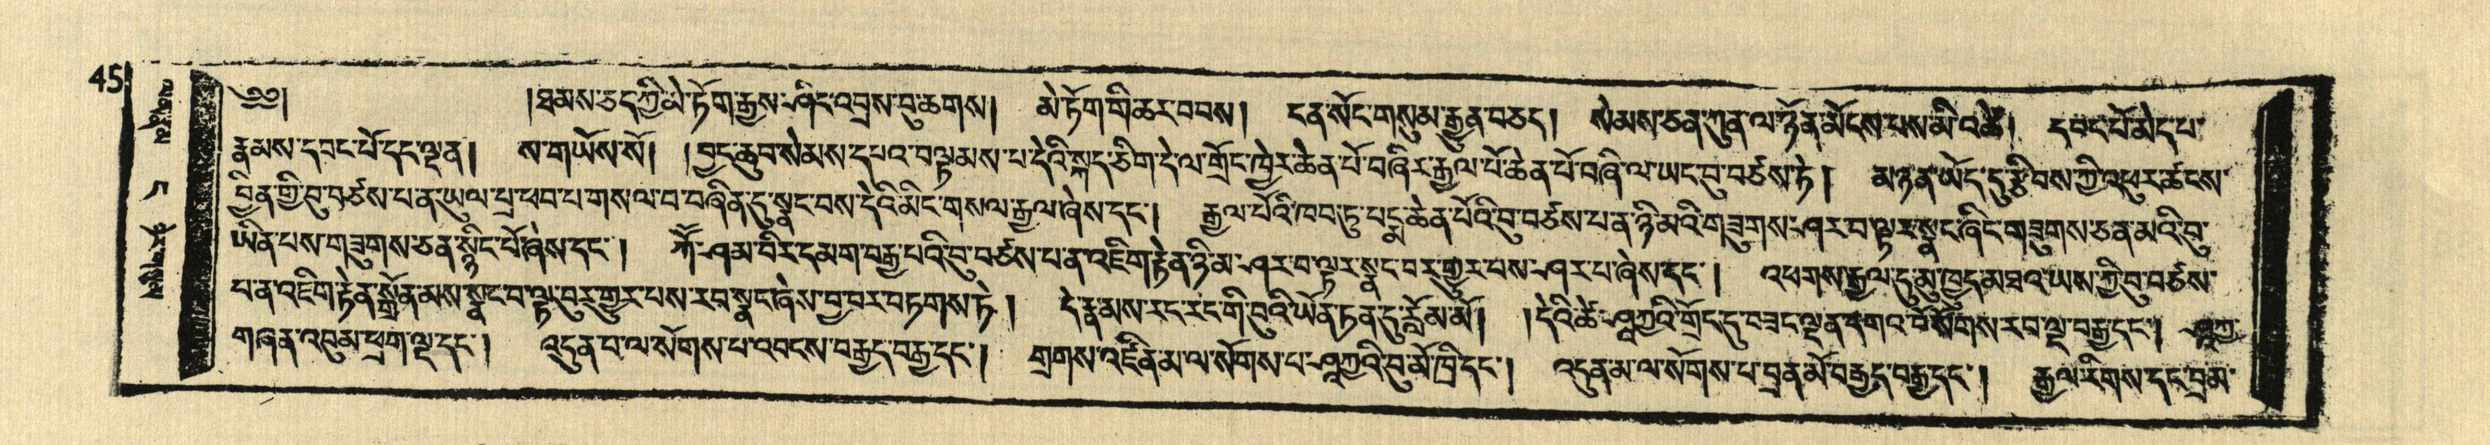༄༅། །ཐམས་ཅད་ཀྱི་མེ་ཏོག་རྒྱས་ཤིང་འབྲས་བུ་ཆགས། མེ་ཏོག་གི་ཆར་བབས། ངན་སོང་གསུམ་རྒྱུན་བཅད། སེམས་ཅན་ཀུན་ལ་ཉོན་མོངས་པས་མི་འཚེ། དབང་པོ་མེད་པ་
རྣམས་དབང་པོ་དང་ལྡན། ས་གཡོས་སོ། །བྱང་ཆུབ་སེམས་དཔའ་བལྟམས་པ་དེའི་སྐད་ཅིག་དེ་ལ་གྲོང་ཁྱེར་ཆེན་པོ་བཞིར་རྒྱལ་པོ་ཆེན་པོ་བཞི་ལ་ཡང་བུ་བཙས་ཏེ། མཉན་ཡོད་དུ་རྩིབས་ཀྱི་འཕུར་ཚངས་
བྱིན་གྱི་བུ་བཙས་པ་ན་ཡུལ་པྲ་ཕབ་པ་གསལ་བ་བཞིན་དུ་སྣང་བས་དེའི་མིང་གསལ་རྒྱལ་ཞེས་དང་། རྒྱལ་པོའི་ཁྱབ་ཏུ་པདམ་ཆེན་པོའི་བུ་བཙས་པ་ན་ཉི་མའི་གཟུགས་ཤར་བ་ལྟར་སྣང་ཞིང་གཟུགས་ཅན་མའི་བུ་
ཡིན་པས་གཟུགས་ཅན་སྙིང་པོ་ཞེས་དང་། ཀཽ་ཤ་མ་བིར་དམག་བརྒྱ་པའི་བུ་བཙས་པ་ན་འཇིག་རྟེན་ཉི་མ་ཤར་བ་ལྟར་སྣང་བར་གྱུར་པས་ཤར་པ་ཞེས་དང་། འཕགས་རྒྱལ་དུ་མུ་ཁྱུད་མཐའ་ཡས་ཀྱི་བུ་བཙས་
པ་ན་འཇིག་རྟེན་སྒྲོན་མས་སྣང་བ་ལྟ་བུར་གྱུར་པས་རབ་སྣང་ཞེས་བྱ་བར་བཏགས་ཏེ། དེ་རྣམས་རང་རང་གི་བུའི་ཡོན་ཏན་དུ་རློམ་མོ། །དེའི་ཚེ་ཤཱཀྱའི་གྲོང་དུ་བཟང་ལྡན་དགའ་བོ་སོགས་རབ་ལྔ་བརྒྱ་དང་། ཤཱཀྱ་
གཞན་འབུམ་ཕྲག་ལྔ་དང་། འདུན་པ་ལ་སོགས་པ་འབངས་བརྒྱད་བརྒྱ་དང་། གྲགས་འཛིན་མ་ལ་སོགས་པ་ཤཱཀྱའི་བུ་མོ་ཁྲི་དང་། འདུན་མ་ལ་སོགས་པ་བྲན་མོ་བརྒྱད་བརྒྱ་དང་། རྒྱལ་རིགས་དང་བྲམ་